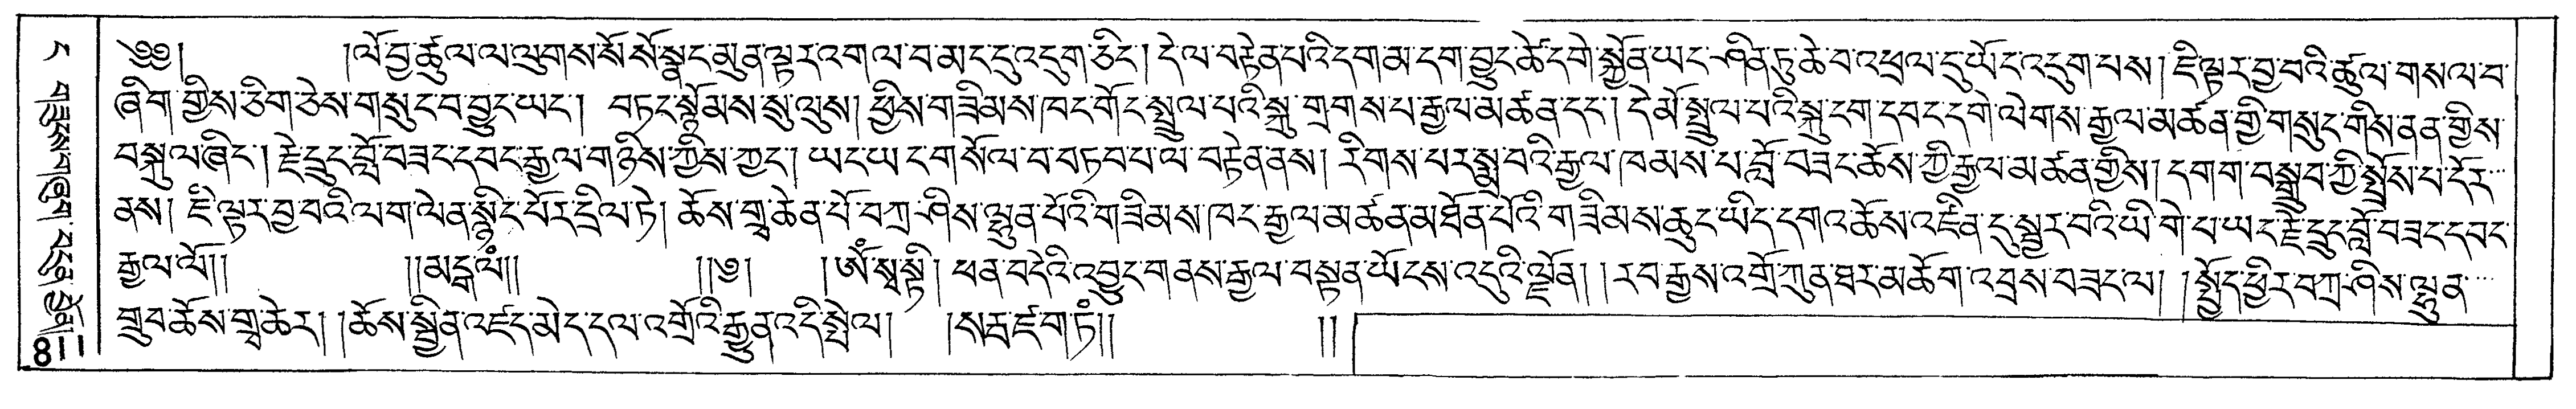༄༅། །ལོ་བྱ་ཚུལ་ལ་ལུགས་སོ་སོ་སྣང་མུན་ལྟར་འགལ་བ་མང་དུ་འདུག་ཅིང་། དེ་ལ་བརྟེན་པའི་དག་མ་དག་བྱུང་ཚེ་དགེ་སྐྱོན་ཡང་ཤིན་ཏུ་ཆེ་བ་འཕྲལ་དུ་ཡོང་འདུག་པས། ཇི་ལྟར་བྱ་བའི་ཚུལ་གསལ་བ་
ཞིག་གྱིས་ཅིག་ཅེས་གསུང་བ་བྱུང་ཡང་། བཏང་སྙོམས་སུ་ལུས། ཕྱིས་གཟིམས་ཁང་གོང་སྤྲུལ་པའི་སྐུ་གྲངས་པ་རྒྱལ་མཚན་དང་། དེ་མོ་སྤྲུལ་པའི་སྐུ་ངག་དབང་དགེ་ལེགས་རྒྱལ་མཚན་གྱི་གསུང་གིས་ནན་གྱིས་
བསྐུལ་ཞིང་།རྗེ་དྲུང་བློ་བཟང་དབང་རྒྱལ་གཉིས་ཀྱིས་ཀྱང་། ཡང་ཡང་གསོལ་བ་བཏབ་པ་ལ་བརྟེན་ནས། རིགས་པར་སྨྲ་བའི་རྒྱལ་ཁམས་པ་བློ་བཟང་ཆོས་ཀྱི་རྒྱལ་མཚན་གྱིས། དགག་བསྒྲུབ་ཀྱི་སྤྲོས་པ་དོར་
ནས། ཇི་ལྟར་བྱ་བའི་ལག་ལེན་སྙིང་པོར་དྲིལ་ཏེ། ཆོས་གྲྭ་ཆེན་པོ་བཀྲ་ཤིས་ལྷུན་པོའི་གཟིམས་ཁང་རྒྱལ་མཚན་མཐོན་པོའི་གཟིམས་ཆུང་ཡིད་དགའ་ཆོས་འཛིན་དུ་སྦྱར་བའི་ཡི་གེ་པ་ཡང་རྗེ་དྲུང་བློ་བཟང་དབང་
རྒྱལ་ལོ།། །།མངྒ་ལཾ།། །།༄༅། །ཨོཾ་སྭ་སྟི། ཕན་བདེའི་འབྱུང་གནས་རྒྱལ་བསྟན་ཡོངས་འདུའི་ལྗོན། །རབ་རྒྱས་འགྲོ་ཀུན་ཐར་མཆོག་འབྲས་བཟང་ལ། །སྤྱོད་ཕྱིར་བཀྲ་ཤིས་ལྷུན་
གྲུབ་ཆོས་གྲྭ་ཆེར། །ཆོས་སྦྱིན་འཛད་མེད་དལ་འགྲོའི་རྒྱུན་འདི་སྤེལ། །སརྦ་ཛ་ག་ཏཾ།། །